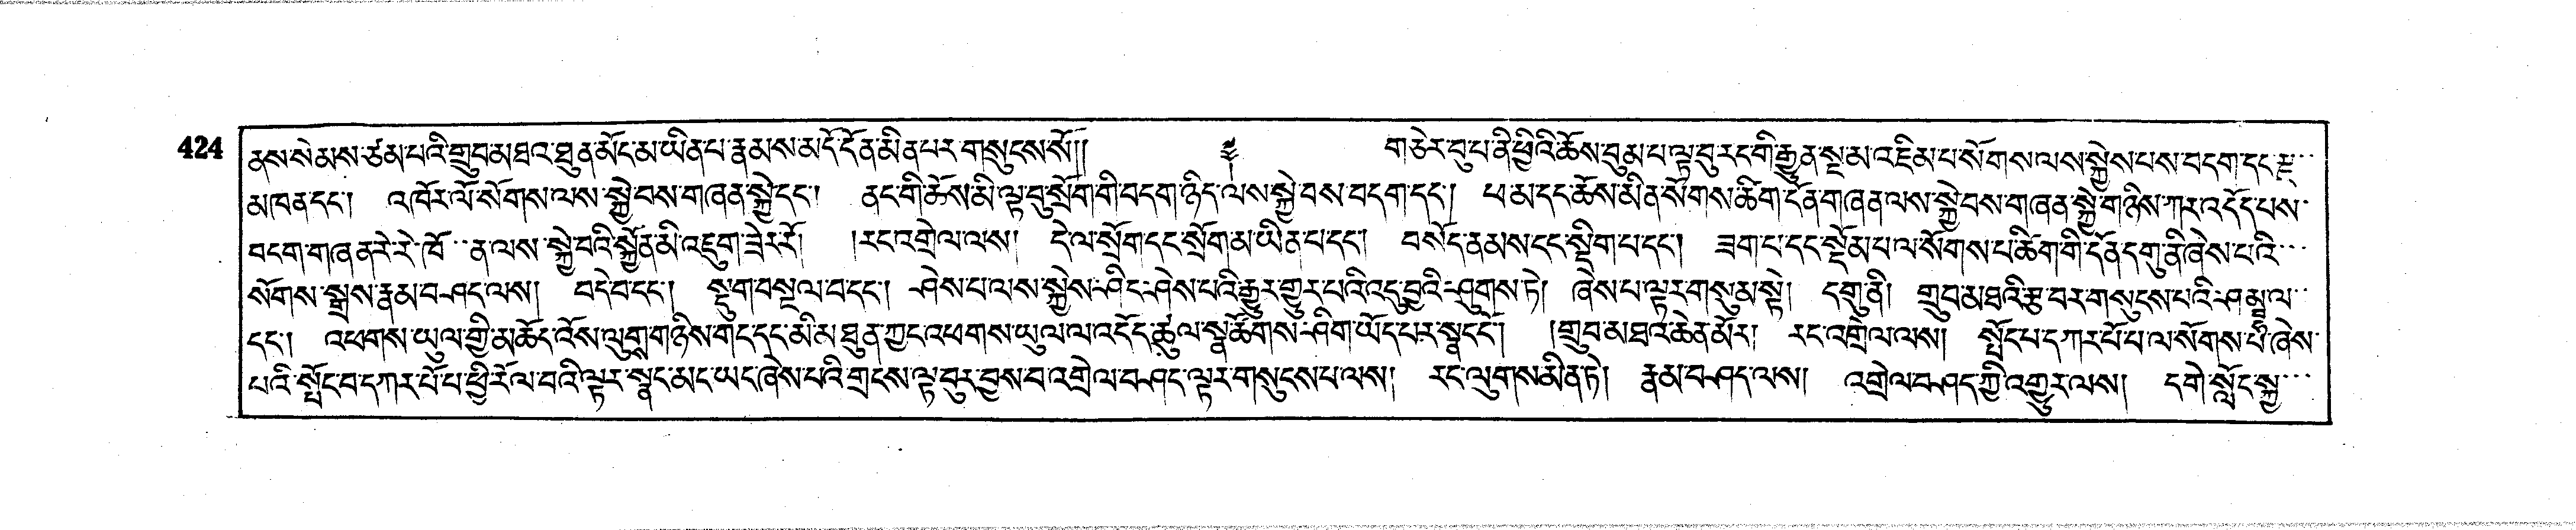ནས་སེམས་ཙམ་པའི་གྲུབ་མཐའ་ཐུན་མོང་མ་ཡིན་པ་རྣམས་མདོ་དོན་མིན་པར་གསུངས་སོ།། ༈ གཅེར་བུ་པ་ནི་ཕྱིའི་ཆོས་བུམ་པ་ལྟ་བུ་རང་གི་རྒྱུན་སྔ་མ་འཇིམ་པ་སོགས་ལས་སྐྱེས་པས་བདག་དང་རྫ་
མཁན་དང་། འཁོར་ལོ་སོགས་ལས་སྐྱེ་བས་གཞན་སྐྱེ་དང་། ནང་གི་ཆོས་མི་ལྟ་བུ་སྲོག་གི་བདག་ཉིད་ལས་སྐྱེ་བས་བདག་དང་། ཕ་མ་དང་ཆོས་མིན་སོགས་ཚིག་དོན་གཞན་ལས་སྐྱེ་བས་གཞན་སྐྱེ་གཉིས་ཀར་འདོད་པས་
བདག་གཞན་རེ་རེ་ཁོ་ན་ལས་སྐྱེ་བའི་སྐྱོན་མི་འཇུག་ཟེར་རོ། །རང་འགྲེལ་ལས། དེ་ལ་སྲོག་དང་སྲོག་མ་ཡིན་པ་དང་། བསོད་ནམས་དང་སྡིག་པ་དང་། ཟག་པ་དང་སྡོམ་པ་ལ་སོགས་པ་ཚིག་གི་དོན་དགུ་ནི་ཞེས་པའི་
སོགས་སྒྲས་རྣམ་བཤད་ལས། བདེ་བ་དང་། སྡུག་བསྔལ་བ་དང་། ཤེས་པ་ལས་སྐྱེས་ཤིང་ཤེས་པའི་རྒྱུར་གྱུར་པའི་འདུ་བྱའི་ཤུགས་ཏེ། ཞེས་པ་ལྟར་གསུམ་སྟེ། དགུ་ནི། གྲུབ་མཐའི་རྩ་བར་གསུངས་པའི་ཤམྦྷ་ལ་
དང་། འཕགས་ཡུལ་གྱི་མཆོད་འོས་ལུགས་གཉིས་གང་དང་མི་མཐུན་ཀྱང་འཕགས་ཡུལ་ལ་འདོད་ཚུལ་སྣ་ཚོགས་ཤིག་ཡོད་པར་སྣང་ངོ། །གྲུབ་མཐའ་ཆེན་མོར། རང་འགྲེལ་ལས། སྤོང་པ་དཀར་པོ་པ་ལ་སོགས་པ་ཞེས་
པའི་སྤོང་བ་དཀར་པོ་པ་ཕྱི་རོལ་བའི་ལྟར་སྣང་མང་ཡང་ཞེས་པའི་གྲངས་ལྟ་བུར་བྱས་བ་འགྲེལ་བཤད་ལྟར་གསུངས་པ་ལས། རང་ལུགས་མིན་ཏེ། རྣམ་བཤད་ལས། འགྲེལ་བཤད་ཀྱི་འགྱུར་ལས། དགེ་སློང་སྐྱ་